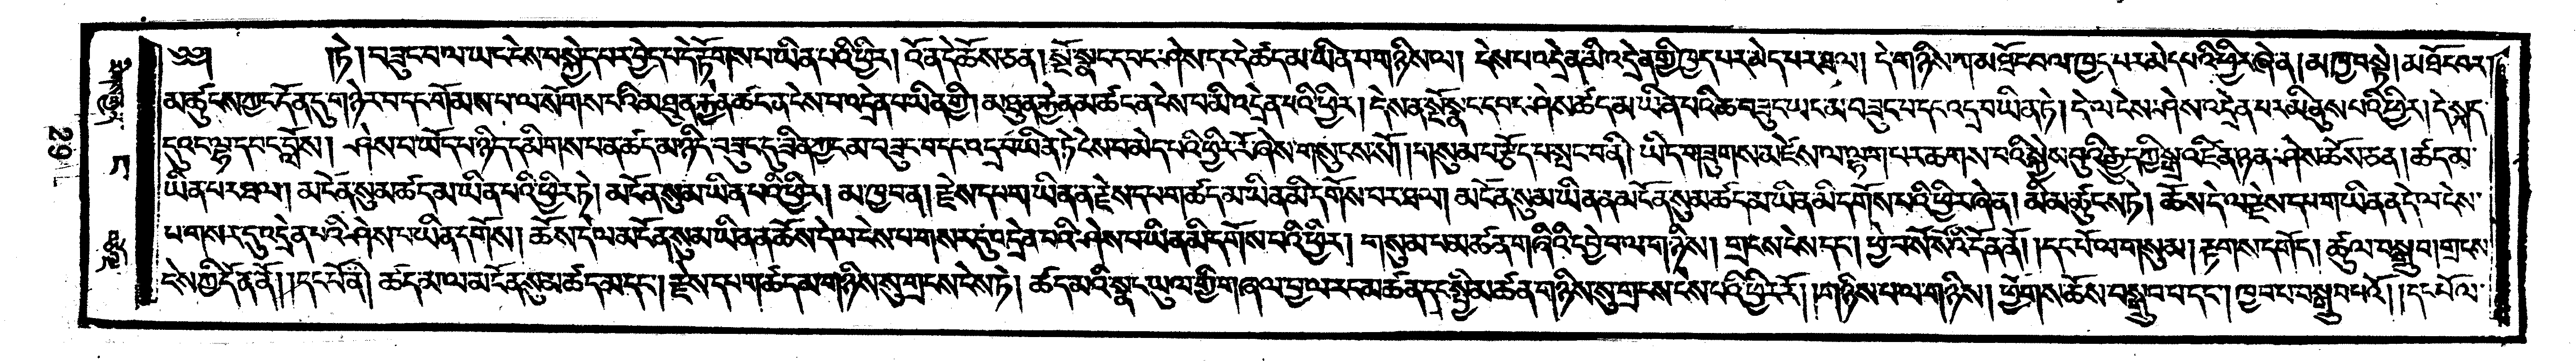༄༅། །ཏེ། བཟུང་བ་ལ་ཡང་ངེས་བསྐྱེད་པར་བྱེད་པའི་རྟོགས་པ་ཡིན་པའི་ཕྱིར། འོ་ན་དེ་ཆོས་ཅན། སྔོ་སྣང་དབང་ཤེས་དང་དེ་ཚད་མ་ཡིན་པ་གཉིས་ལ། ངེས་པ་འདྲེན་མི་འདྲེན་གྱི་ཁྱད་པར་མེད་པར་ཐལ། དེ་གཉིས་ཀ་མཐོང་བ་ལ་ཁྱད་པར་མེད་པའི་ཕྱིར་ཞེ་ན། མ་ཁྱབ་སྟེ། མཐོང་བར་
མཚུངས་ཀྱང་དོན་དུ་གཉེར་བ་དང་གོམས་པ་ལ་སོགས་པའི་མཐུན་རྐྱེན་ཚང་ན་ངེས་པ་འདྲེན་པ་ཡིན་གྱི། མཐུན་རྐྱེན་མ་ཚང་ན་ངེས་པ་མི་འདྲེན་པའི་ཕྱིར། དེས་ན་སྔོ་སྣང་དབང་ཤེས་ཚད་མ་ཡིན་པའི་ཆ་བཟུང་ཡང་མ་བཟུང་བ་དང་འདྲ་བ་ཡིན་ཏེ། དེ་གླ་ངེས་ཤེས་འདྲེན་པར་མི་ནུས་པའི་ཕྱིར། དེ་སྐད་
དུའང་ལྷ་བློས། ཤེས་པ་ཡོད་པ་ཉིད་དམིགས་པ་ན་ཚད་མ་ཉིད་དུ་ཟིན་ཀྱང་མ་བཟུང་བ་དང་འདྲ་བ་ཡིན་ཏེ་མ་ངེས་པ་མེད་པའི་ཕྱིར་རོ་ཞེས་གསུངས་སོ། །གསུམ་པ་རྩོད་པ་སྤང་བ་ནི། ཡིད་གཟུགས་མཛེས་ལ་ལྷག་པར་ཆགས་པའི་སྐྱེས་བུའི་རྒྱུད་ཀྱི་སྒྲ་འཛིན་ཉན་ཤེས་ཆོས་ཅན། ཚད་མ་
ཡིན་པར་ཐལ། མངོན་སུམ་ཚད་མ་ཡིན་པའི་ཕྱིར་ཏེ། མངོན་སུམ་ཡིན་པའི་ཕྱིར། མ་ཁྱབ་ན། རྗེས་དཔག་ཡིན་ན་རྗེས་དཔག་ཚད་མ་ཡིན་མི་དགོས་པར་ཐལ། མངོན་སུམ་ཡིན་ན་མངོན་སུམ་ཚད་མ་ཡིན་མི་དགོས་པའི་ཕྱིར་ཞེ་ན། མི་མཚུངས་ཏེ། ཆོས་དེ་རྗེས་དཔག་ཡིན་ན་དེ་ལ་ངེས་
པར་གསར་དུ་འདྲེན་པའི་ཤེས་པ་ཡིན་དགོས། ཆོས་དེ་ལ་མངོན་དུམ་ཡིན་ན་ཆོས་དེ་ལ་ངེས་པ་གསར་དུ་འདྲེན་པའི་ཤེས་ཡིན་མི་དགོས་པའི་ཕྱིར། གསུམ་པ་མཚན་གཞིའི་དབྱེ་བ་ལ་གཉིས། གྲངས་ངེས་དང་། ཕྱེ་བ་སོ་སོའི་དོན་ནོ། །དང་པོ་ལ་གསུམ། རྟགས་དགོད་།ཚུལ་བསྒྲུབ། གྲངས་
ངེས་ཀྱི་དོན། །དང་པོ་ནི། ཚད་མ་ལ་མངོན་སུམ་ཚད་མ་དང་། རྗེས་དཔག་ཚད་མ་གཉིས་སུ་གྲངས་ངེས་ཏེ། ཚད་མའི་སྣང་ཡུལ་གྱི་གཞལ་བྱར་རང་མཚན་དང་སྤྱི་མཚན་གཉིས་སོ་གྲངས་ངེས་པའི་ཕྱིར་རོ། །གཉིས་པ་ལ་གཉིས། ཕྱོགས་ཆོས་བསྒྲུབ་པ་དང་། ཁྱབ་པར་བསྒྲུབ་པའོ། །དང་པོ་ལ་